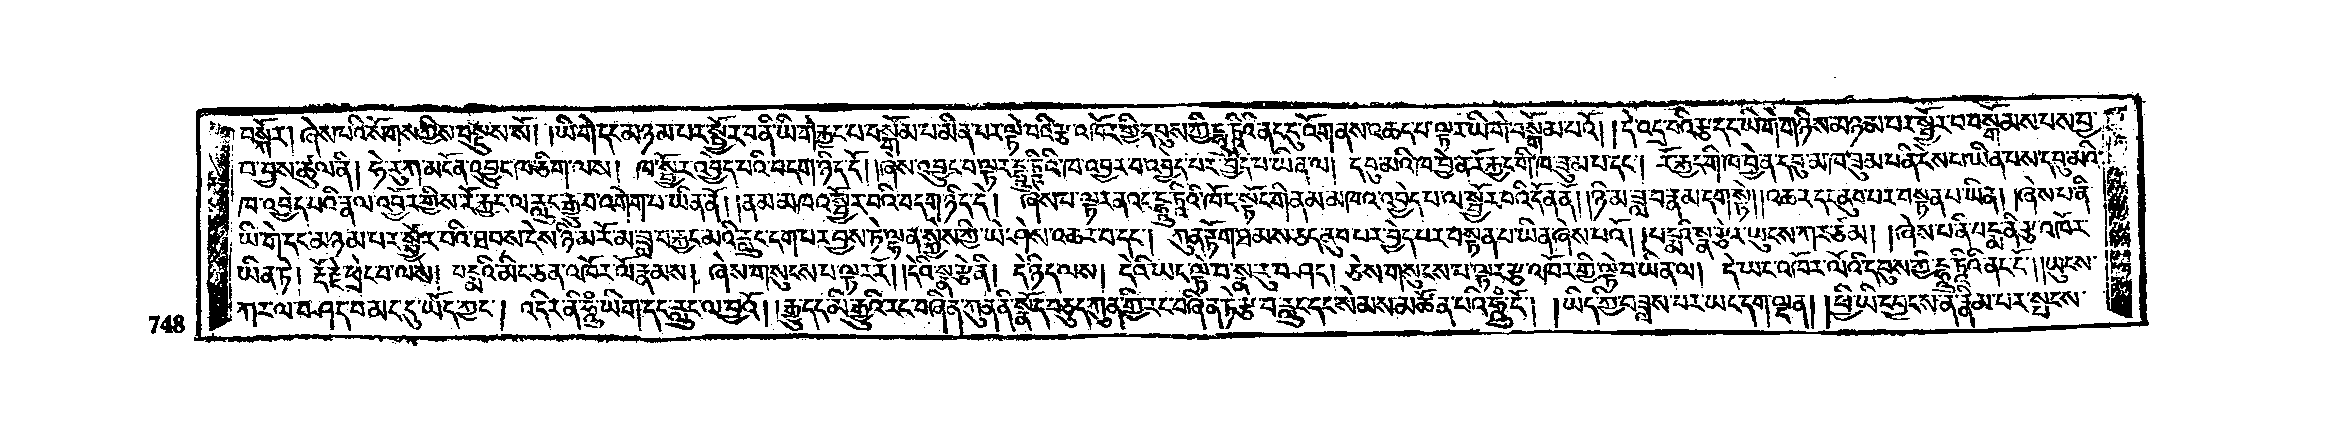བསྐོར། ཞེས་པའི་སོགས་ཀྱིས་བསྡུས་སོ། །ཡི་གེ་དང་མཉམ་པར་སྦྱོར་བ་ནི་ཡི་གེ་རྐྱང་པ་བསྒོམ་པ་མིན་པར་ལྟེ་བའི་རྩ་འཁོར་གྱི་དབུས་ཀྱི་དྷཱུ་ཏཱིའི་ནང་དུ་འོག་ནས་འཆད་པ་ལྟར་ཡི་གེ་བསྒོམ་པའོ། །དེ་འདྲ་བའི་རྩ་དང་ཡི་གེ་གཉིས་མཉམ་པར་སྦྱོར་བ་བསྒོམས་པས་བྱ་
བ་བྱས་ཚུལ་ནི། ཧེ་རུ་ཀ་མངོན་འབྱུང་ཁ་ཅིག་ལས། ཁ་སྦྱོར་འབྱེད་པའི་བདག་ཉིད་དོ། །ཞེས་འབྱུང་བ་ལྟར་དྷཱུ་ཏཱིའི་ཁ་འབྱར་བ་འབྱེད་པར་བྱེད་པ་ཡིན་ལ། དབུ་མའི་ཁ་བྱེ་ན་རོ་རང་གི་ཁ་ཟུམ་པ་དང་། རོ་རྐྱང་གི་ཁ་བྱེ་ན་དབུ་མ་ཁ་ཟུམ་པ་ནི་ངེས་པ་ཡིན་པས་དབུ་མའི་
ཁ་འབྱེད་པའི་རྣལ་འབྱོར་གྱིས་རོ་རྐྱང་ལ་རླུང་རྒྱུ་བ་འགེག་པ་ཡིན་ནོ། །ནམ་མཁའ་སྦྱོར་བའི་བདག་ཉིད་དོ། ཞེས་པ་ལྟར་ནའང་དྷཱུ་ཏཱིའི་ཁོང་སྟོང་གི་ནམ་མཁའ་འབྱེད་པ་ལ་སྦྱོར་བའི་དོན་ནོ། །ཉི་མ་ཟླ་བ་རྣམ་དག་སྟེ། །འཆར་དང་ནུབ་པར་བསྟན་པ་ཡིན། །ཞེས་པ་ནི་
ཡི་གེ་དང་མཉམ་པར་སྦྱོར་བའི་ཐབས་དེས་ཉི་མ་རོ་མ་ཟླ་བ་རྐྱང་མའི་རླུང་དག་པར་བྱས་ཏེ་ལྷན་སྐྱེས་ཀྱི་ཡེ་ཤེས་འཆར་བ་དང་། ཀུན་རྟོག་ཐམས་ཅད་ནུབ་པར་བྱེད་པར་བསྟན་པ་ཡིན་ཞེས་པའོ། །པདམའི་སྣ་རྩེར་ཡུངས་ཀར་ཙམ། །ཞེས་པ་ནི་པདམ་ནི་རྩ་འཁོར་
ཡིན་ཏེ། རྡོ་རྗེ་ཕྲེང་བ་ལས། པདམའི་མིང་ཅན་འཁོར་ལོ་རྣམས། ཞེས་གསུངས་པ་ལྟར་རོ། །དེའི་སྣ་རྩེ་ནི། དེ་ཉིད་ལས། དེའི་ཡང་ལྟེ་བ་སྣ་རུ་བཤད། ཅེས་གསུངས་པ་ལྟར་རྩ་འཁོར་གྱི་ལྟེ་བ་ཡིན་ལ། དེ་ཡང་འཁོར་ལོའི་དབུས་ཀྱི་དྷཱུ་ཏཱིའི་ནང་ངོ། །ཡུངས་
ཀར་ལ་བཤད་བ་མང་དུ་ཡོད་ཀྱང་། འདིར་ནི་ཧཱུཾ་ཡིག་དང་རླུང་ལ་བྱའོ། །རྒྱུ་དང་མི་རྒྱུའི་རང་བཞིན་ཀུན་ནི་སྣོད་བཅུད་ཀུན་གྱི་རང་བཞིན་ཏེ་རྩ་བ་རླུང་དང་སེམས་མཚོན་པའི་ཧཱུཾ་ངོ། །ཡིད་ཀྱི་བཟླས་པར་ཡང་དག་ལྡན། །ཕྱི་ཡི་དབྱངས་ནི་རྣམ་པར་སྤངས་